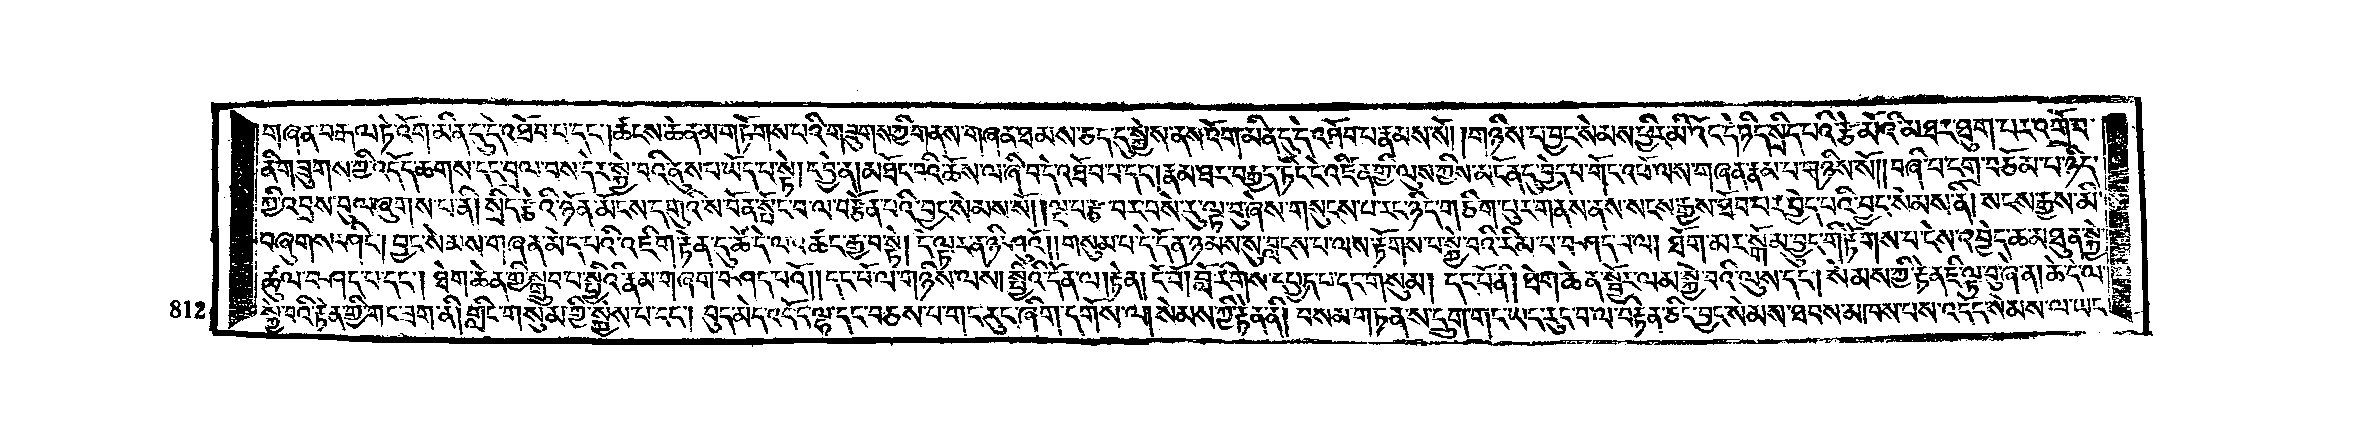གཞན་བརྒལ་ཏེ་འོག་མིན་དུ་དེ་འཐོབ་པ་དང་། ཚངས་ཆེན་མ་གཏོགས་པའི་གཟུགས་ཀྱི་གནས་གཞན་ཐམས་ཅད་དུ་སྐྱེས་ནས་འོག་མིན་དུ་དེ་འཐོབ་པ་རྣམས་སོ། །གཉིས་པ་བྱང་སེམས་ཕྱིར་མི་འོང་དེ་ཉིད་སྲིད་པའི་རྩེ་མོའི་མཐར་ཐུག་པར་འགྲོ་བ་
ནི་གཟུགས་ཀྱི་འདོད་ཆགས་དང་བྲལ་བས་དེར་སྐྱེ་བའི་ནུས་པ་ཡོད་པ་སྟེ། དབྱེ་ན། མཐོང་བའི་ཆོས་ལ་ཞི་བ་དེ་འཐོབ་པ་དང་། རྣམ་ཐར་བརྒྱད་ཏིང་ངེ་འཛིན་གྱི་ལུས་ཀྱིས་མངོན་དུ་བྱེད་པ་གོང་འཕོ་ལས་གཞན་རྣམ་པ་གཉིས་སོ། །བཞི་པ་དགྲ་བཅོམ་པ་ཉིད་
ཀྱི་འབྲས་བུ་ལ་ཞུགས་པ་ནི། སྲིད་རྩེའི་ཉོན་མོངས་དགུའི་ས་བོན་སྤོང་བ་ལ་བརྩོན་པའི་བྱང་སེམས་སོ། །ལྔ་པ་རྩ་བར་བསེ་རུ་ལྟ་བུ་ཞེས་གསུངས་པ་རང་ཉིད་གཅིག་པུར་གནས་ནས་སངས་རྒྱས་ཐོབ་པར་བྱེད་པའི་བྱང་སེམས་ནི། སངས་རྒྱས་མི་
བཞུགས་ཤིང་། བྱང་སེམས་གཞན་མེད་པའི་འཇིག་རྟེན་དུ་ཚེ་དེ་ལ་འཚང་རྒྱ་བ་སྟེ། དེ་ལྟར་ན་ཉི་ཤུའོ། །གསུམ་པ་དེ་དོན་ཉམས་སུ་བླངས་པ་ལས་རྟོགས་པ་སྐྱེ་བའི་རིམ་པ་བཤད་པ་ལ། ཐོག་མར་སྒོམ་བྱུང་གི་རྟོགས་པ་ངེས་འབྱེད་ཆ་མཐུན་སྐྱེ་
ཚུལ་བཤད་པ་དང་། ཐེག་ཆེན་གྱི་སྒྲུབ་པ་སྤྱིའི་རྣམ་གཞག་བཤད་པའོ། །དང་པོ་ལ་གཉིས་ལས། སྤྱིའི་དོན་ལ། རྟེན། ངོ་བོ། བློ་རིགས་དཔྱད་པ་དང་གསུམ། དང་པོ་ནི། ཐེག་ཆེན་སྦྱོར་ལམ་སྐྱེ་བའི་ལུས་དང་། སེམས་ཀྱི་རྟེན་ཇི་ལྟ་བུ་ཞེ་ན། ཚེ་དེ་ལ་
སྐྱེ་བའི་རྟེན་གྱི་གང་ཟག་ནི། གླིང་གསུམ་གྱི་སྐྱེས་པ་དང་། བུད་མེད་འདོད་ལྷ་དང་བཅས་པ་གང་རུང་ཞིག་དགོས་ལ། སེམས་ཀྱི་རྟེན་ནི། བསམ་གཏན་ས་དྲུག་གང་ཡང་རུང་བ་ལ་བརྟེན་ཅིང་བྱང་སེམས་ཐབས་མཁས་པས་འདོད་སེམས་ལ་ཡང་